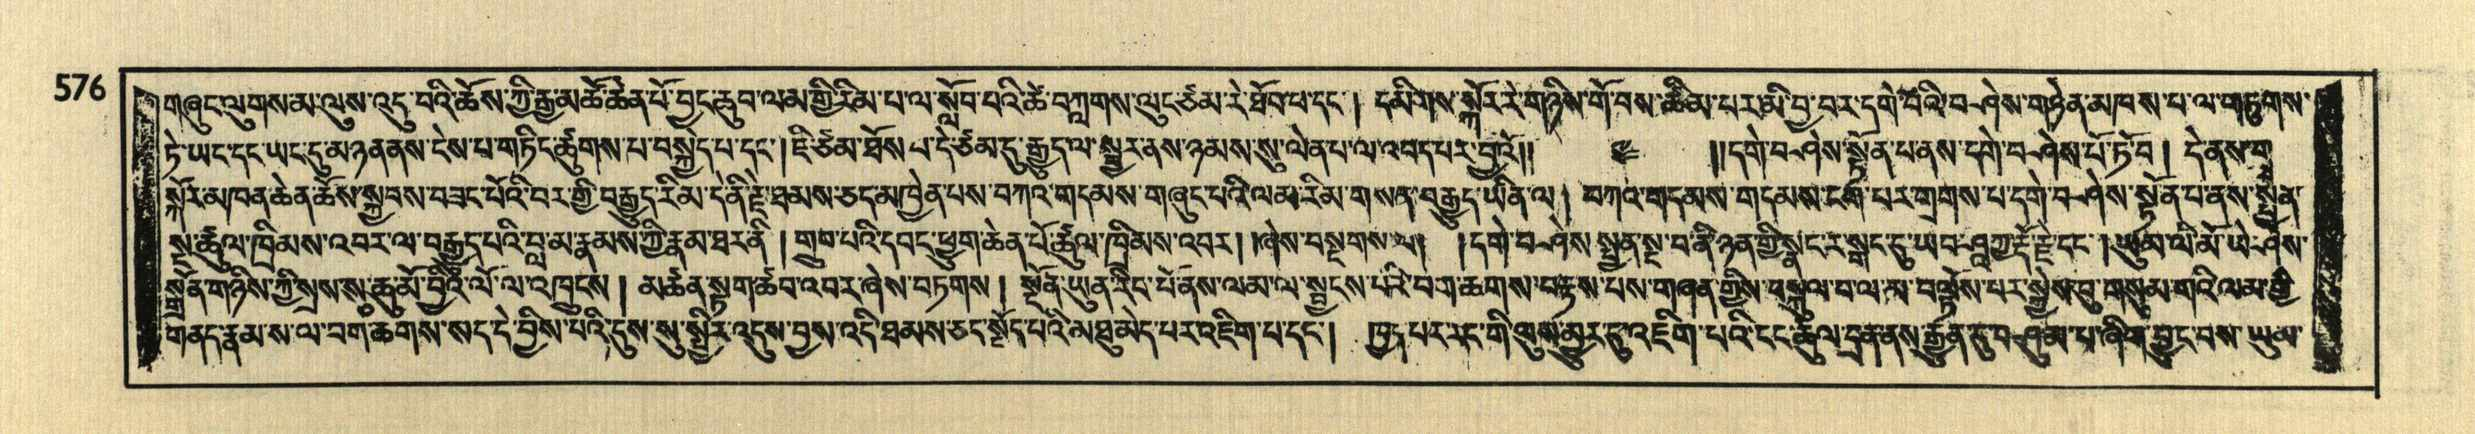གཞུང་ལུགས་མ་ལུས་འདུ་བའི་ཆོས་ཀྱི་རྒྱ་མཚོ་ཆེན་པོ་བྱང་ཆུབ་ལམ་གྱི་རིམ་པ་ལ་སློབ་པའི་ཚེ་བཀླགས་ལུང་ཙམ་རེ་ཐོབ་པ་དང་། དམིགས་སྐོར་རེ་གཉིས་གོ་བད་ཚིམ་པར་མི་བྱ་བར་དགེ་བའི་བཤེས་གཉེན་མཁས་པ་ལ་གཏུགས་
ཏེ་ཡང་དང་ཡང་དུ་མཉན་ནས་ངེས་པ་གཏིང་ཚུགས་པ་བསྐྱེད་པ་དང་། ཇི་ཙམ་ཐོས་པ་དེ་ཙམ་དུ་རྒྱུད་ལ་སྦྱར་ནས་ཉམས་སུ་ལེན་པ་ལ་འབད་པར་བྱའོ།། ༈ །།དགེ་བཤེས་སྟོན་པ་ནས་དགེ་བཤེས་པོ་ཏོ་བ། དེ་ནས་གྲྭ་
སྐོར་མཁན་ཆེན་ཆོས་སྐྱབས་བཟང་པོའི་བར་གྱི་བརྒྱུད་རིམ་དེ་ནི་རྗེ་ཐམས་ཅད་མཁྱེན་པས་བཀའ་གདམས་གཞུང་པའི་ལམ་རིམ་གསན་བརྒྱུད་ཡིན་ལ། བཀའ་གདམས་གདམས་ངག་པར་གྲགས་པ་དགེ་བཤེས་སྟོན་པ་ནས་སྤྱན་
སྔ་ཚུལ་ཁྲིམས་འབར་ལ་བརྒྱུད་པའི་བླ་མ་རྣམས་ཀྱི་རྣམ་ཐར་ནི། གྲུབ་པའི་དབང་ཕྱུག་ཆེན་པོ་ཚུལ་ཁྲིམས་འབར། །ཞེས་བསྔགས་པ། །དགེ་བཤེས་སྤྱན་སྔ་བ་ནི་ཉན་གྱི་སྣང་ར་སྒང་དུ་ཡབ་ཤཱཀྱ་རྡོ་རྗེ་དང་། ཡུམ་ལི་མོ་ཡེ་ཤེས་
སྒྲོན་གཉིས་ཀྱི་སྲས་སུ་ཆུ་མོ་བྱའི་ལོ་ལ་འཁྲུངས། མཚན་སྟག་ཚབ་འབར་ཞེས་བཏགས། སྔོན་ཡུན་རིང་པོ་ནས་ལམ་ལ་སྦྱངས་པའི་བག་ཆགས་བརྟས་པས་གཞན་གྱིས་བསྐུལ་བ་ལ་མ་བལྟོས་པར་སྐྱེས་བུ་གསུམ་གའི་ལམ་གྱི་
གནད་རྣམས་ལ་བག་ཆགས་སད་དེ་བྱིས་པའི་དུས་སུ་སྤྱིར་འདུས་བྱས་འདི་ཐམས་ཅད་སྡོད་པའི་མཐུ་མེད་པར་འཇིག་པ་དང་། ཁྱད་པར་རང་གི་ལུས་མྱུར་དུ་འཇིག་པའི་ངང་ཚུལ་དྲན་ནས་རྒྱུན་དུ་བཤུམ་པ་ཞིག་བྱུང་བས་ཡུམ་